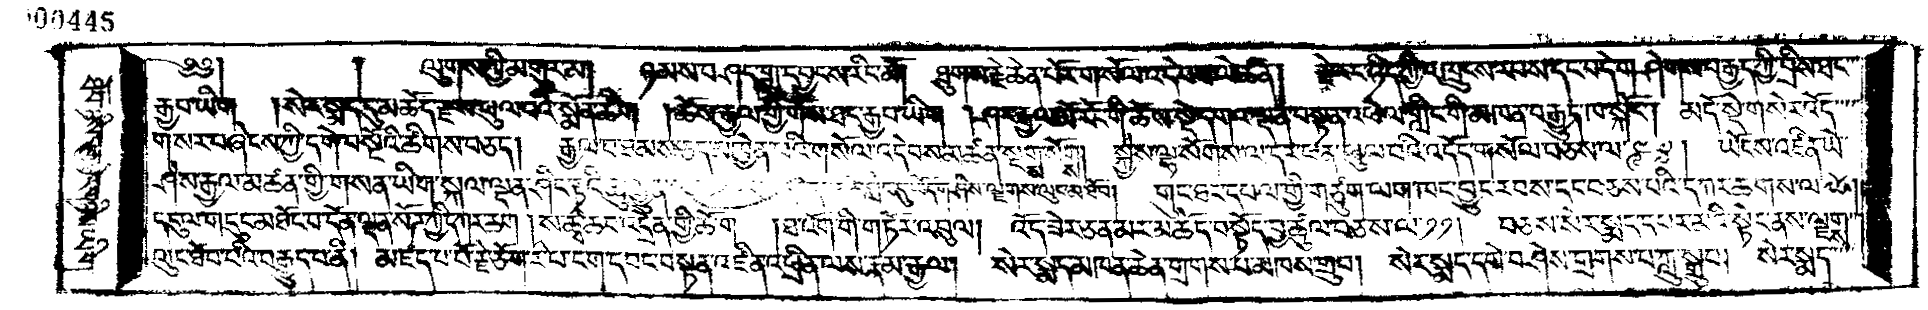༄༅། །ལུགས་ཀྱི་མགུར་མ། ཉམས་བཤད་གླུ་དབྱངས་རིང་མོ། ཐུགས་རྗེ་ཆེན་པོར་གསོལ་འདེབས་ལེ་ཚན། རྗེ་རང་ཉིད་ཀྱི་འཁྲུངས་རབས་དང་བདེ་གཤེགས་བརྒྱད་ཀྱི་བྲིས་ཐང་
རྒྱབ་ཡིག །སེར་སྨད་དུ་མཆོད་རྫས་ཕུལ་བའི་སྨོན་ཚིག །ཆོས་རྒྱལ་གྱི་གོས་ཐང་རྒྱབ་ཡིག །ཤར་རྒྱལ་མོ་རོང་གི་ཆོས་སྡེ་དགའ་ལྡན་བསྟན་འཕེལ་གླིང་གི་མཁན་བརྒྱུད་ཁ་སྐོང་། མདོ་སྡེ་གསེར་འོད་
གསར་བཞེངས་ཀྱི་དགེ་བ་བསྔོའི་ཚིགས་བཅད། རྒྱལ་བ་ཐམས་ཅད་མཁྱེན་པའི་གསོལ་འདེབས་མཚན་སྔགས་སོགས། སྐྱེས་ལྷ་སོགས་ལ་དར་ཕན་ཕུལ་བའི་འདོད་གསོལ་བཅས་ལ ༤༩ ༧༩། ཡོངས་འཛིན་ཡེ་
ཤེས་རྒྱལ་མཚན་གྱི་གསན་ཡིག་སྐལ་ལྡན་ཤིང་རྟའི་ཆུ་རྒྱུན་ལ ༡༥༨་འདིའི་དཔར་ཚེ་གླིང་དུ་ཡོད་གཤིས་ལྗགས་ལུང་མ་ཐོབ།  གུང་ཐང་དཔལ་གྱི་གཙུག་ལག་ཀྱང་བྱུང་རབས་དང་བཅས་པའི་དཀར་ཆགས་ལ་
དབུལ་གདུང་མཐོང་བ་དོན་ལྡན་སོཌ་ཀྱི་དཀར་ཆག །ས་ཚྭ་ཆབ་འདྲེན་གྱི་ཆོ་ག །ཐ་འོག་གི་གཏོར་འབུལ། འོད་ཟེར་ཅན་མར་མཆོད་བསྟོད་བྱ་ཚུལ་བཅས་ལ༡༡། བཅས་སེར་སྨད་དཔར་མའི་སྟེང་ན་ལྗགས་
ལུང་ཐོབ་པའི་བརྒྱུད་པ་ནི། མཛད་པ་པོ་རྗེ་ཅོག་རི་བ་ངག་དབང་བསྟན་འཛིན་འཕྲིན་ལས་རྣམ་རྒྱལ། སེར་སྨད་མཁན་ཆེན་གྲགས་པ་མཁས་གྲུབ། སེར་སྨད་དགེ་བཤེས་གྲགས་པ་ཀླུ་སྒྲུབ། སེར་སྨད་